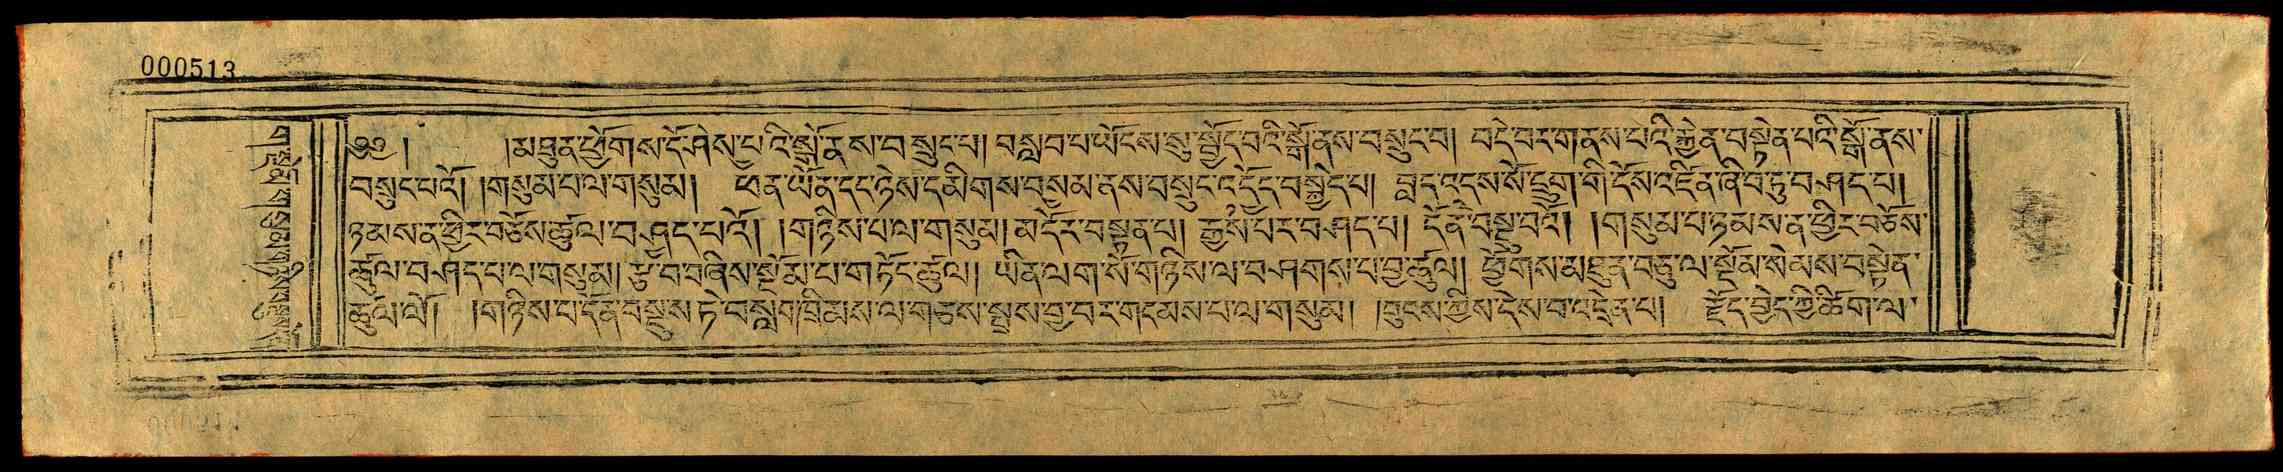༄༅། །མཐུན་ཕྱོགས་ངོ་ཤེས་པའི་སྒོ་ནས་བསྲུང་བ། བསླབ་པ་ཡོངས་སུ་སྦྱོང་བའི་སྒོ་ནས་བསྲུང་བ། བདེ་བར་གནས་པའི་རྐྱེན་བསྟེན་པའི་སྒོ་ནས་
བསྲུང་བའོ། །གསུམ་པ་ལ་གསུམ། ཕན་ཡོན་དང་ཉེས་དམིགས་བསམ་ནས་བསྲུང་འདོད་བསྐྱེད་པ། བླང་འདས་སོ་དྲུག་གི་ངོས་འཛིན་ཞིབ་ཏུ་བཤད་པ།
ཉམས་ན་ཕྱིར་བཅོས་ཚུལ་བཤད་པའོ། །གཉིས་པ་ལ་གསུམ། མདོར ༤་བསྟན་པ། རྒྱས ༡༤་པར་བཤད་པ། དོན ༣་བསྡུ་བའོ། །གསུམ་པ་ཉམས་ན་ཕྱིར་བཅོས་
ཚུལ་བཤད་པ་ལ་གསུམ། རྩ་བ་བཞིས་སྡོམ་པ་གཏོང་ཚུལ། ཡན་ལག་སོ་གཉིས་ལ་བཤགས་པ་བྱ་ཚུལ། ཕྱོགས་མཐུན་བཅུ་ལ་སྡོམ་སེམས་བསྟེན་
ཚུལ་ལོ། །གཉིས་པ་དོན་བསྡུས་ཏེ་བསླབ་ཁྲིམས་ལ་གཅེས་སྤྲས་བྱ་བར་གདམས་པ་ལ་གསུམ། ཁུངས་ཀྱིས་ངེས་པ་འདྲེན་པ། རྗོད་བྱེད་ཀྱི་ཚིག་ལ་